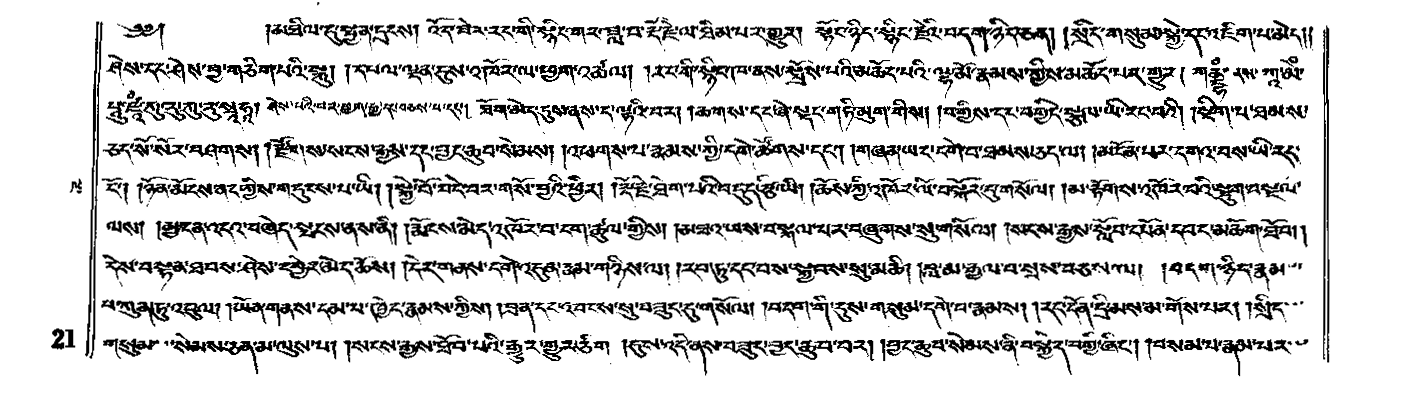༄༅། །མཐིལ་དུ་སྤྱན་དྲངས། འོད་ཟེར་རང་གི་སྙིང་གར་ཟླ་བ་རྡོ་རྗེ་ལ་ཐིམ་པར་གྱུར། སྟོང་ཉིད་སྙིང་རྗེའི་བདག་ཉིད་ཅན། །སྲིད་གསུམ་སྐྱེ་དང་འཇིག་པ་མེད།།
ཤེས་དང་ཤེས་བྱ་གཅིག་པའི་སྐུ། །དཔལ་ལྡན་དུས་འཁོར་ལ་ཕྱག་འཚལ། །རང་གི་སྙིང་ཁ་ནས་སྤྲོས་པའི་མཆོད་པའི་ལྷ་མོ་རྣམས་ཀྱིས་མཆོད་པར་གྱུར། གནྡྷཾ་ནས་ཀཱ་མེཾ་
པཱུ་ཛཱཾ་ཀུ་རུ་ཀུ་རུ་སྭཱ་ཧཱ། ཞེས་པའི་བར་ཕྱག་རྒྱ་དང་བཅས་པ་དང་།  ཐོག་མེད་དུས་ནས་ད་ལྟའི་བར། །ཆགས་དང་ཞེ་སྡང་གཏི་མུག་གིས། །བགྱིས་དང་བགྱིད་སྩལ་ཡི་རང་བའི། །སྡིག་པ་ཐམས་
ཅད་སོ་སོར་བཤགས། །རྫོགས་སངས་རྒྱས་དང་བྱང་ཆུབ་སེམས། །འཕགས་པ་རྣམས་ཀྱི་དགེ་ཚོགས་དང་། །གཞན་ཡང་དགེ་བ་ཐམས་ཅད་ལ། །མངོན་པར་དགའ་བས་ཡི་རང་
ངོ། །ཉོན་མོངས་ནང་ཀྱིས་གདུངས་པ་ཡི། །སྐྱེ་བོ་བདེ་བར་གསོ་བྱའི་ཕྱིར། །རྡོ་རྗེ་ཐེག་པའི་བདུད་རྩི་ཡི། །ཆོས་ཀྱི་འཁོར་ལོ་བསྐོར་དུ་གསོལ། །མ་རྟོགས་འཁོར་བའི་སྡུག་བསྔལ་
ལས། །མྱ་ངན་འདའ་བཞེད་སྤངས་ནས་ནི། །རྨོངས་མེད་འཁོར་བ་དག་ཚུལ་གྱིས། །མཐའ་ཡས་བསྐལ་པར་བཞུགས་སུ་གསོལ། །སངས་རྒྱས་སློབ་དཔོན་དབང་མཆོག་ཐོབ།།
དེས་བསྟན་ཐབས་ཤེས་དབྱེར་མེད་ཆོས། །དེར་གནས་དགེ་འདུན་རྣམ་གཉིས་ལ། །རབ་ཏུ་དང་བས་སྐྱབས་སུ་མཆི། །བླ་མ་རྒྱལ་བ་སྲས་བཅས་ལ། །བདག་ཉིད་རྣམ་
པ་ཀུན་ཏུ་འབུལ། །ཡོན་གནས་དམ་པ་ཁྱེད་རྣམས་ཀྱིས། །བྲན་དང་འབངས་སུ་བཟུང་དུ་གསོལ། །བདག་གི་དུས་གསུམ་དགེ་བ་རྣམས། །རང་དོན་དྲི་མས་མ་གོས་པར། །སྲིད་
གསུམ་སེམས་ཅན་མ་ལུས་པ། །སངས་རྒྱས་ཐོབ་པའི་རྒྱུར་གྱུར་ཅིག །དུས་འདི་ནས་བཟུང་བྱང་ཆུབ་པར། །བྱང་ཆུབ་སེམས་ནི་བསྐྱེད་བགྱི་ཞིང་། །བསམ་པ་རྣམ་པར་